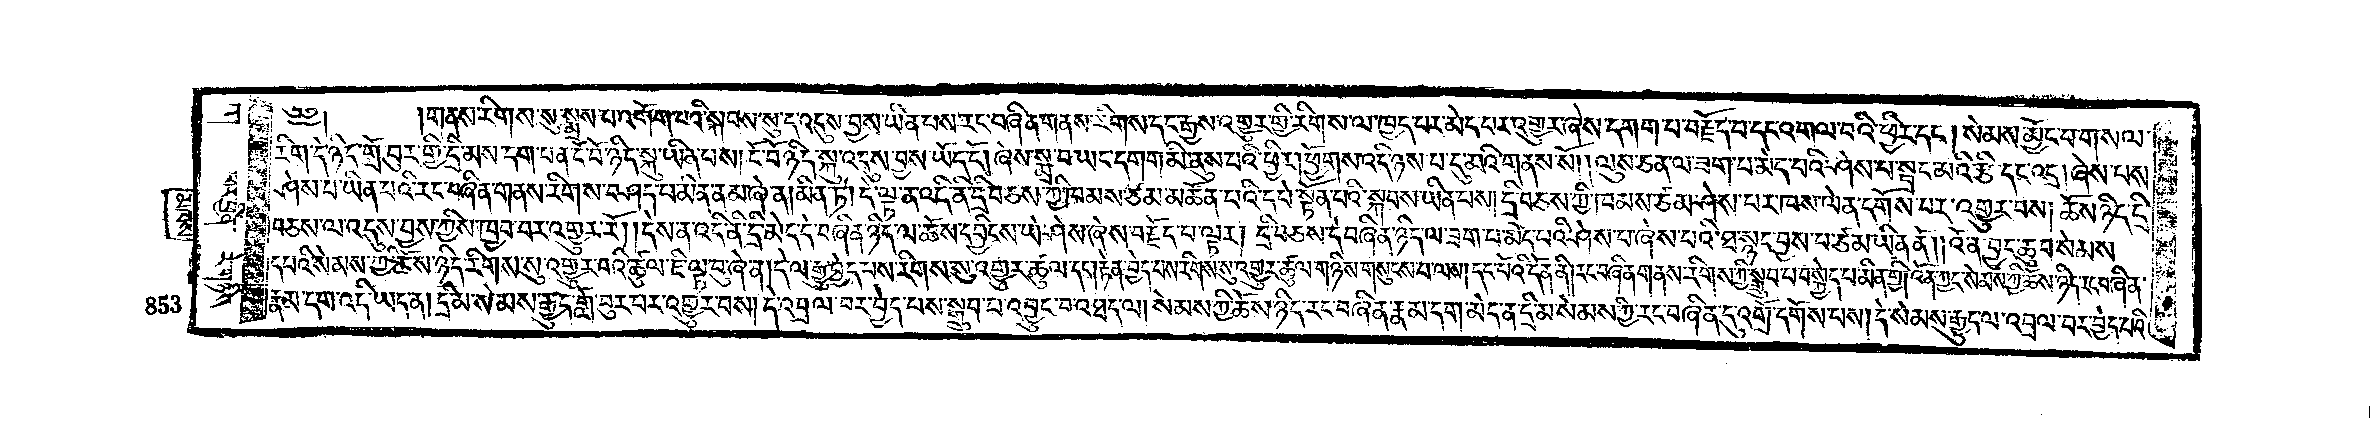༄༅། །གནས་རིགས་སུ་སྨྲས་པ་འགོག་པའི་སྐབས་སུ་ད་འདུས་བྱས་ཡིན་པས་རང་བཞིན་གནས་རིགས་དང་རྒྱས་འགྱུར་གྱི་རིགས་ལ་ཁྱད་པར་མེད་པར་འགྱུར་ཞེས་དགག་པ་བརྗོད་པ་དང་འགལ་བའི་ཕྱིར་དང་། སེམས་མྱོང་བ་གསལ་
རིག་དེ་ཉིད་གློ་བུར་གྱི་དྲི་མས་དག་པ་ན་ངོ་བོ་ཉིད་སྐུ་ཡིན་པས། ངོ་བོ་ཉིད་སྐུ་འདུས་བྱས་ཡོད་དོ། ཞེས་སྨྲ་བ་ཡང་དགག་མི་ནུས་པའི་ཕྱིར། ཕྱོགས་འདི་ཉེས་པ་དུ་མའི་གནས་སོ། །ལུས་ཅན་ལ་ཟག་པ་མེད་པའི་ཤེས་པ་སྦྲང་མའི་རྩི་དང་འདྲ། ཞེས་པས་
ཤེས་པ་ཡིན་པའི་རང་བཞིན་གནས་རིགས་བཤད་པ་མིན་ནམ་ཞེ་ན། མིན་ཏེ། དེ་ལྟ་ན་འདི་ནི་དྲི་བཅས་ཀྱི་ཁམས་ཙམ་མཚོན་པའི་དཔེ་སྟོན་པའི་སྐབས་ཡིན་པས། དྲི་བཅས་ཀྱི་ཁམས་ཙམ་ཤེས་པར་ཁས་ལེན་དགོས་པར་འགྱུར་བས། ཆོས་ཉིད་དྲི་
བཅས་ལ་འདུས་བྱས་ཀྱིས་ཁྱབ་པར་འགྱུར་རོ། །དེས་ན་འདི་ནི་དྲི་མེད་དེ་བཞིན་ཉིད་ལ་ཆོས་དབྱིངས་ཡེ་ཤེས་ཞེས་བརྗོད་པ་ལྟར། དྲི་བཅས་དེ་བཞིན་ཉིད་ལ་ཟག་པ་མེད་པའི་ཤེས་པ་ཞེས་པའི་ཐ་སྙད་བྱས་པ་ཙམ་ཡིན་ནོ། །འོ་ན་བྱང་ཆུབ་སེམས་
དཔའི་སེམས་ཀྱི་ཆོས་ཉིད་རིགས་སུ་འགྱུར་བའི་ཚུལ་ཇི་ལྟ་བུ་ཞེ་ན། དེ་ལ་རྒྱུ་བྱེད་པས་རིགས་སུ་འགྱུར་ཚུལ་དང་། རྟེན་བྱེད་པས་རིགས་སུ་འགྱུར་ཚུལ་གཉིས་གསུངས་པ་ལས། དང་པོའི་དོན་ནི། རང་བཞིན་གནས་རིགས་ཀྱི་སྒྲུབ་པ་བསྐྱེད་པ་མིན་གྱི། འོན་ཀྱང་སེམས་ཀྱི་ཆོས་ཉིད་རང་བཞིན་
རྣམ་དག་འདི་ཡོད་ན། དྲི་མ་སེམས་རྒྱུད་གློ་བུར་བར་འགྱུར་བས། དེ་འབྲལ་བར་བྱེད་པས་སྒྲུབ་པ་འབྱུང་བ་འཐད་ལ། སེམས་ཀྱི་ཆོས་ཉིད་རང་བཞིན་རྣམ་དག་མེད་ན་དྲི་མ་སེམས་ཀྱི་རང་བཞིན་དུ་འགྲོ་དགོས་པས། དེ་སེམས་རྒྱུད་ལ་འབྲལ་བར་བྱེད་པའི་